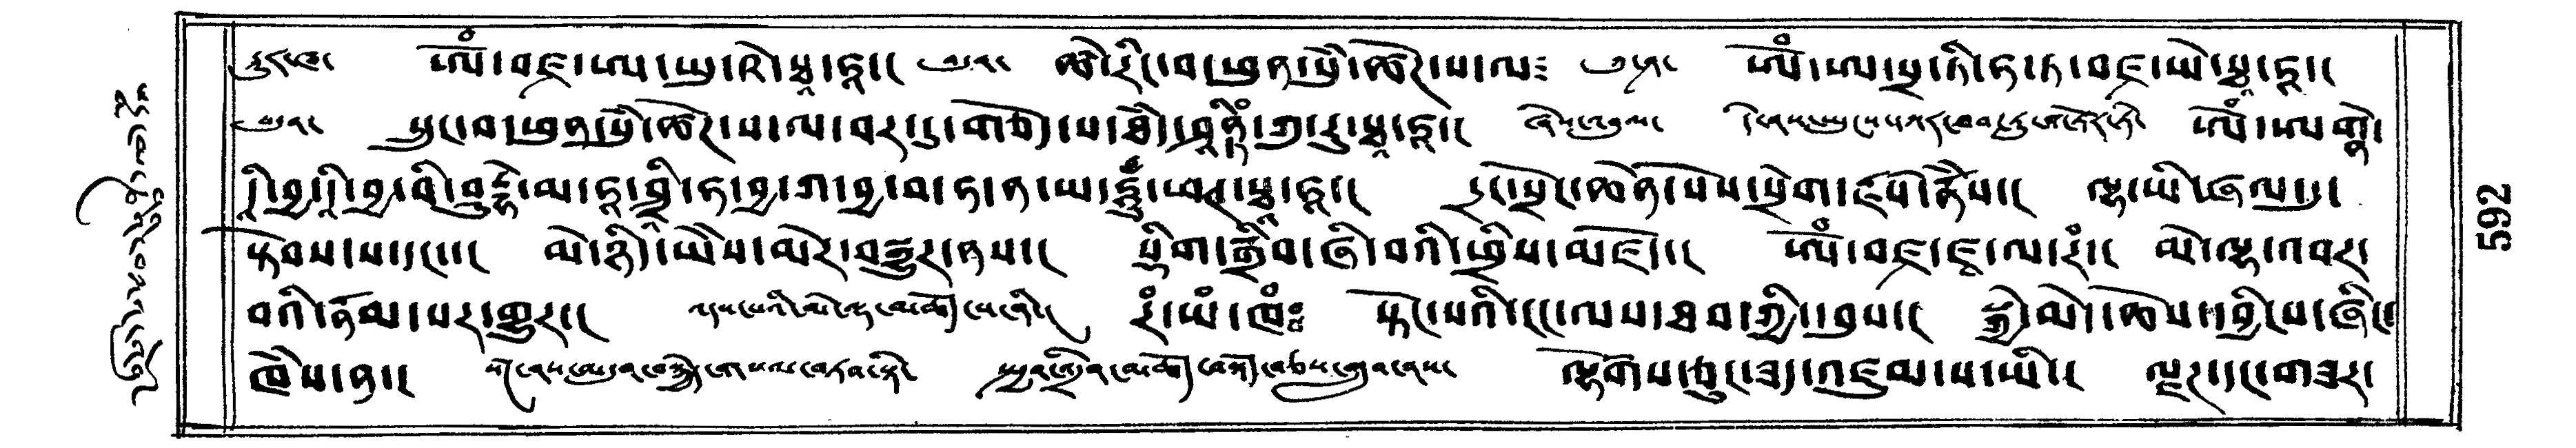དུརྦ། ཨོཾ་བཛྲ་ཨ་ཡུ་རེ་སྭ་ཧཱ། བདུན། ཚེ་རིང་བ་ཕུན་སུམ་ཚོགས་པ་ལ༴ ཀུ་ཤ། ཨོཾ་ཨ་པྲ་ཏི་ཧ་ཏ་བཛྲ་ཡེ་སྭ་ཧཱ། 
བདུན། སྲུང་བ་ཕུན་སུམ་ཚོགས་པ་ལ་བར་དུ་གཅོད་པ་ཐམས་ཅད་ཤཱནྟིཾ་ཀུ་རུ་སྭ་ཧཱ། ཞེས་འབུལ། དེ་ནས་ཡུངས་དཀར་ཐབ་ཏུ་གཏོར་ཏེ། ཨོཾ་ཨགྣེ་
དཱི་བྱ་དཱི་བྱ་བི་ཤུདྡྷེ་མ་ཧཱ་ཤྲཱི་ཧ་བྱ་ཀ་བྱ་བ་ཧ་ན་ཡ་ཧཱུྃ་ཕཊ་སྭ་ཧཱ། དྲང་སྲོང་ཆེན་པོས་སྲོག་རྫས་རྣམས། ལྷ་ཡི་ཞལ་དུ་
བསྟབས་པ་དང་། །མེ་ཉིད་ཡེ་ཤེས་མེར་བསྒྱུར་ནས། །སྡིག་སྒྲིབ་ཞི་བའི་ཕྲིན་ལས་མཛོད། ཨོཾ་བཛྲ་ཛྭ་ལ་རཾ། མེ་ལྷ་འབར་
བའི་རྣམ་པར་གྱུར། འདས་པའི་མེ་ལྷ་མཆོད་པ་ནི། རཾ་ཡཾ་ཁཾ། སྟོང་པའི་ངང་ལས་ཐབ་ཀྱི་དབུས། །སྐྱེ་མེད་ཆོས་དབྱིངས་ཞིང་
ཁམས་ན། སོགས་ནས་མདུན་བསྐྱེད་གསལ་བཏབ་སྟེ། སྤྱན་འདྲེན་མཆོད་བསྟོད་བཅས་གྲུབ་ནས། ལྷ་ཚོགས་ཅུང་ཟད་འཛུམ་པ་ཡི། །ལྗགས་དང་གཟར་